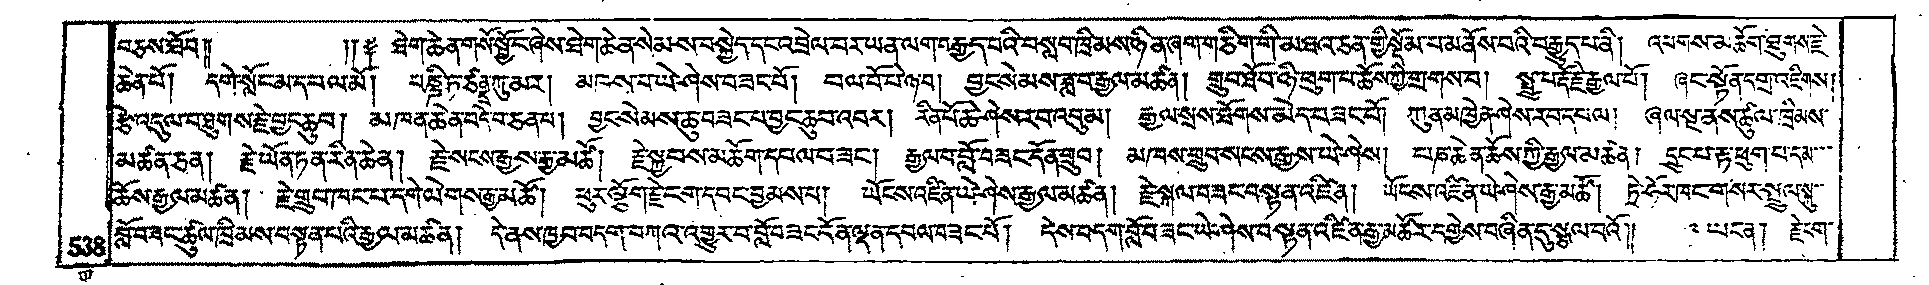བཅས་ཐོབ།། །། འ་ཐེག་ཆེན་གསོ་སྦྱོང་ཞེས་ཐེག་ཆེན་སེམས་བསྐྱེད་དང་འབྲེལ་བར་ཡན་ལག་བརྒྱད་པའི་བསླབ་ཁྲིམས་ཉིན་ཞག་གཅིག་གི་མཐའ་ཅན་གྱི་སྡོམ་པ་མནོས་པའི་བརྒྱུད་པ་ནི། འཕགས་མཆོག་ཐུགས་རྗེ་
ཆེན་པོ། དགེ་སློང་མ་དཔལ་མོ། པཎྜི་ཏ་ཙནྡྲ་ཀུ་མར། མཁས་པ་ཡེ་ཤེས་བཟང་པོ། བལ་བོ་པེ་ཉ་བ། བྱང་སེམས་ཟླ་བ་རྒྱལ་མཚན། གྲུབ་ཐོབ་ཉི་ཕུག་པ་ཆོས་ཀྱི་གྲགས་པ། སྤྲུ་པ་རྡོ་རྗེ་རྒྱལ་པོ། ཞང་སྟོན་དགྲ་འཇིགས།
རྩེ་འདུལ་བ་ཐུགས་རྗེ་བྱང་ཆུབ། མཁན་ཆེན་བདེ་བ་ཅན་པ། བྱང་སེམས་ཆུ་བཟང་པ་བྱང་ཆུབ་འབར། རིན་པོ་ཆེ་ཤེས་རབ་འབུམ། རྒྱལ་སྲས་ཐོགས་མེད་བཟང་པོ། ཀུན་མཁྱེན་ཤེས་རབ་དཔལ། ཞལ་སྔ་ནས་ཚུལ་ཁྲིམས་
མཚན་ཅན། རྗེ་ཡོན་ཏན་རིན་ཆེན། རྗེ་སངས་རྒྱས་རྒྱ་མཚོ། རྗེ་སྐྱབས་མཆོག་དཔལ་བཟང་། རྒྱལ་བ་བློ་བཟང་དོན་གྲུབ། མཁས་གྲུབ་སངས་རྒྱས་ཡེ་ཤེས། པཎ་ཆེན་ཆོས་ཀྱི་རྒྱལ་མཚན། དྲུང་པ་རྟ་ཕུག་པ་དམ་
ཆོས་རྒྱལ་མཚན། རྗེ་གྲུབ་ཁང་པ་དགེ་ལེགས་རྒྱ་མཚོ། ཕུར་ལྕོག་རྗེ་ངག་དབང་བྱམས་པ། ཡོངས་འཛིན་ཡེ་ཤེས་རྒྱལ་མཚན། རྗེ་སྐལ་བཟང་བསྟན་འཛིན། ཡོངས་འཛིན་ཡེ་ཤེས་རྒྱ་མཚོ། ཏྲེ་ཧོར་ཁང་གསར་སྤྲུལ་སྐུ་
བློ་བཟང་ཚུལ་ཁྲིམས་བསྟན་པའི་རྒྱལ་མཚན། དེ་ནས་ཁྱབ་བདག་བཀའ་འགྱུར་བ་བློ་བཟང་དོན་ལྡན་དཔལ་བཟང་པོ། དེས་བདག་བློ་བཟང་ཡེ་ཤེས་བསྟན་འཛིན་རྒྱ་མཚོར་དགྱེས་བཞིན་དུ་སྩལ་བའོ།། ༧ཡང་ན། རྗེ་ངག་